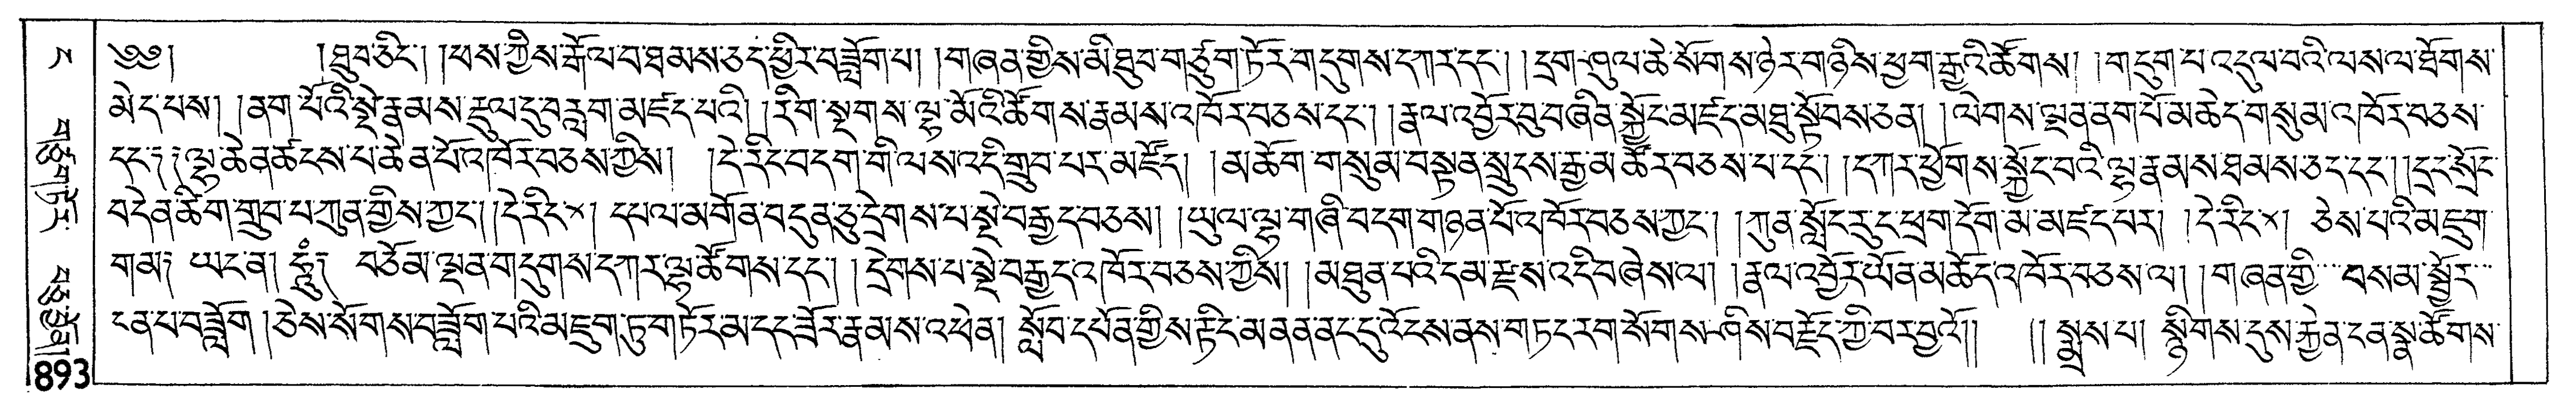༄༅། །ཐུབ་ཅིང་། །ཕས་ཀྱིས་རྒོལ་བ་ཐམས་ཅད་ཕྱིར་བཟློག་པ། །གཞན་གྱིས་མི་ཐུབ་གཙུག་ཏོར་གདུགས་དཀར་དང་། །དྲག་ཤུལ་ཆེ་སོགས་ཉེར་གཉིས་ཕྱག་རྒྱའི་ཚོགས། །གདུག་པ་འདུལ་བའི་ལས་ལ་ཐོགས་
མེད་པས། །ནག་པོའི་སྡེ་རྣམས་རྡུལ་དུ་བརླག་མཛད་པའི། །རིག་སྔགས་ལྷ་མོའི་ཚོགས་རྣམས་འཁོར་བཅས་དང་། །རྣལ་འབྱོར་བུ་བཞིན་སྐྱོང་མཛད་མཐུ་སྟོབས་ཅན། །ལེགས་ལྡན་ནག་པོ་མཆེད་གསུམ་འཁོར་བཅས་
དང༑ ༑ལྷ་ཆེན་ཚངས་པ་ཆེན་པོ་འཁོར་བཅས་ཀྱིས། །དེ་རིང་བདག་གི་ལས་འདི་གྲུབ་པར་མཛོད། །མཆོག་གསུམ་བསྟན་སྲུངས་རྒྱ་མཚོར་བཅས་པ་དང་། །དཀར་ཕྱོགས་སྐྱོང་བའི་ལྷ་རྣམས་ཐམས་ཅད་དང་། །དྲང་སྲོང་
བདེན་ཚིག་གྲུབ་པ་ཀུན་གྱིས་ཀྱང་། །དེ་རིང་྾། དཔལ་མགོན་བདུན་ཅུ་དྲེགས་པ་སྡེ་བརྒྱད་བཅས། །ཡུལ་ལྷ་གཞི་བདག་གཉན་པོ་འཁོར་བཅས་ཀྱང་། །ཀུན་སློང་རུ་ང་ཕྲག་དོག་མ་མཛད་པར། །དེ་རིང་྾། ཅེས་པའི་མཇུག་
གམ༑ ཡང་ན། ཧཱུཾ༑ བཅོམ་ལྡན་གདུགས་དཀར་ལྷ་ཚོགས་དང་། །དྲེགས་པ་སྡེ་བརྒྱད་འཁོར་བཅས་ཀྱིས། །མཐུན་པའི་དམ་རྫས་འདི་བཞེས་ལ། །རྣལ་འབྱོར་ཡོན་མཆོད་འཁོར་བཅས་ལ། །གཞན་གྱི་བསམ་སྦྱོར་
ངན་པ་བཟློག །ཅེས་སོགས་བཟློག་པའི་མཇུག་ཏུ་གཏོར་མ་དང་ཟོར་རྣམས་འཕེན། སློབ་དཔོན་གྱིས་རྟིང་མནན་ནང་དུ་འོངས་ནས་གཏང་རག་སོགས་ཤིས་བརྗོད་ཀྱི་བར་བྱའོ།། །།སྨྲས་པ། སྙིགས་དུས་རྐྱེན་ངན་སྣ་ཚོགས་